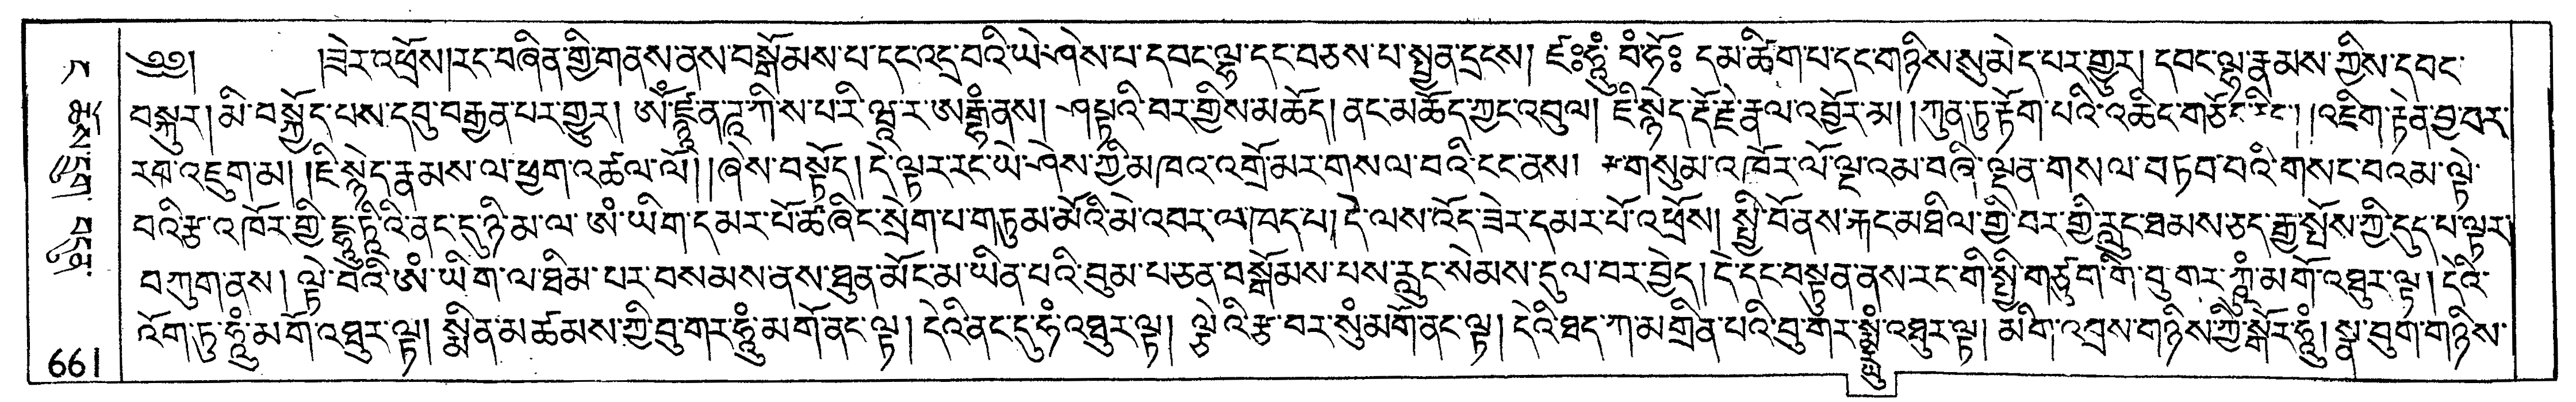༄༅། །ཟེར་འཕྲོས། རང་བཞིན་གྱི་གནས་ནས་བསྒོམས་པ་དང་འདྲ་བའི་ཡེ་ཤེས་པ་དབང་ལྷ་དང་བཅས་པ་སྤྱན་དྲངས། ཛཿ ཧཱུཾ་བཾ་ཧོཿ དམ་ཚིག་པ་དང་གཉིས་སུ་མེད་པར་གྱུར། དབང་ལྷ་རྣམས་ཀྱིས་དབང་
བསྐུར། མི་བསྐྱོད་པས་དབུ་བརྒྱན་པར་གྱུར། ཨོཾ་ཛྙཱ་ན་ཌཱ་ཀི་ས་པ་རི་ཝཱ་ར་ཨརྒྷཾ་ནས། ཤཔྟའི་བར་གྱིས་མཆོད། ནང་མཆོད་ཀྱང་འབུལ། ཇི་སྙེད་རྡོ་རྗེ་རྣལ་འབྱོར་མ། །ཀུན་ཏུ་རྟོག་པའི་འཆིང་གཅོད་ཅིང་། །འཇིག་རྟེན་བྱ་བར་
རབ་འཇུག་མ། །ཇི་སྙེད་རྣམས་ལ་ཕྱག་འཚལ་ལོ། །ཞེས་བསྟོད། དེ་ལྟར་རང་ཡེ་ཤེས་ཀྱི་མཁའ་འགྲོ་མར་གསལ་བའི་ངང་ནས། རྩ་གསུམ་འཁོར་ལོ་ལྔ་འམ་བཞི་ལྡན་གསལ་བཏབ་པའི་གསང་བའམ་ལྟེ་
བའི་རྩ་འཁོར་གྱི་དྷཱུ་ཏཱིའི་ནང་དུ་ཉི་མ་ལ་ཨཾ་ཡིག་དམར་པོ་ཚ་ཞིང་སྲེག་པ་གཏུམ་མོའི་མེ་འབར་ལ་ཁད་པ། དེ་ལས་འོད་ཟེར་དམར་པོ་འཕྲོས། སྤྱི་བོ་ནས་རྐང་མཐིལ་གྱི་བར་གྱི་རླུང་ཐམས་ཅད་རྒྱ་སྤོས་ཀྱི་དུད་པ་ལྟར་
བཀུག་ནས། ལྟེ་བའི་ཨཾ་ཡིག་ལ་ཐིམ་པར་བསམས་ནས་ཐུན་མོང་མ་ཡིན་པའི་བུམ་པ་ཅན་བསྒོམས་པས་རླུང་སེམས་དུལ་བར་བྱེད། དེ་དང་བསྟུན་ནས་རང་གི་སྤྱི་གཙུག་གི་བུ་གར་ཀྵུཾ་མགོ་འཐུར་ལྟ། དེའི་
འོག་ཏུ་ཧཱུཾ་མགོ་འཐུར་ལྟ། སྨིན་མཚམས་ཀྱི་བུ་གར་ཧཱུཾ་མགོ་ནང་ལྟ། དེའི་ནང་དུ་ཧཾ་འཐུར་ལྟ། ལྕེའི་རྩ་བར་སུཾ་མགོ་ནང་ལྟ། དེའི་ཐད་ཀ་མགྲིན་པའི་བུ་གར་སྨྲྱུཾ་འཐུར་ལྟ། མིག་འབྲས་གཉིས་ཀྱི་སྒོར་ཧཱུཾ། སྣ་བུག་གཉིས་